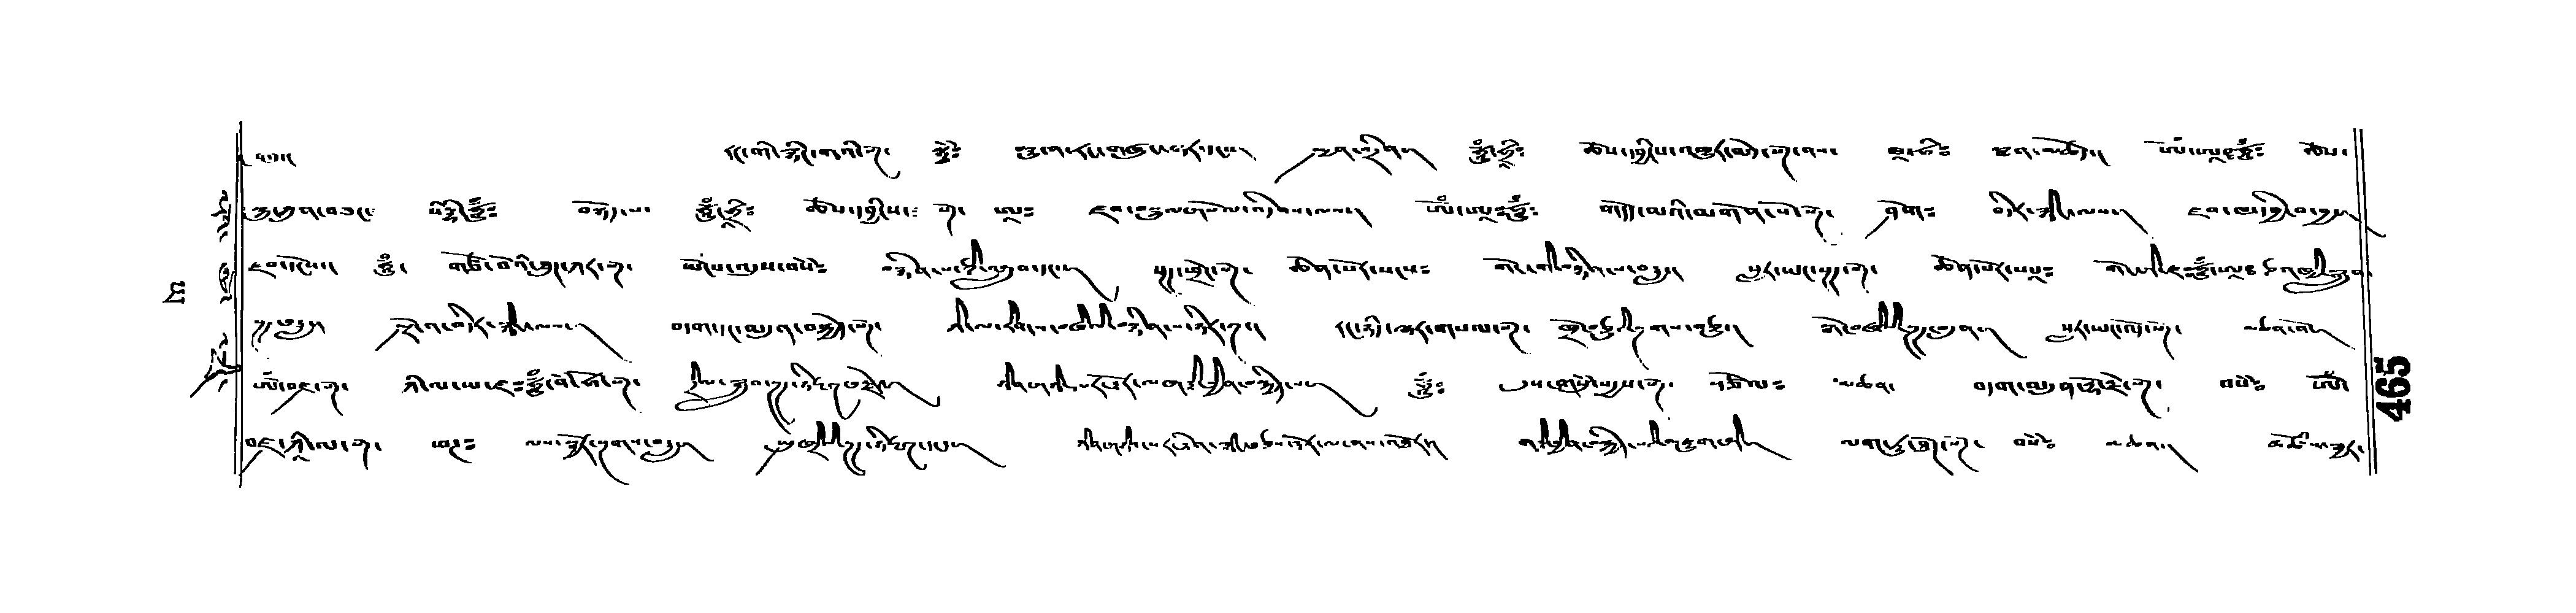རང་གི་སྙིང་གའི་སོགས། སྟཾ༔ བསྡུ་ན་རང་གཞུང་བར་དང་། སྤྱན་འདྲེན། ཧཱུྃ་ཧྲཱིཿ ཆོས་དབྱིངས་འགྱུར་མེད་སོགས་ནས། ཁཱ་ཧིཿ སྨན་མཆོད། ཨོཾ་ཨཱཿཧཱུྃ༔ ཆོས་
སྐུ་ཀུན་བཟང་སོགས། སིདྡྷི་ཧཱུྃ༔ བསྟོད་པ། ཧཱུྃ་ཧྲཱིཿ ཆོས་དབྱིངས་སོགས། ཨཱཿ འཛབ་བསྐུལ་གསོལ་འདེབས་ལས། ཨོཾ་ཨཱཿཧཱུྃ༔ གདོད་མའི་མགོན་པོ་སོགས།ཤོག༔ བདེར་སྙིང་ལས། ཛབ་ཁང་དབྱེ་བ་བྱ། 
འཛབ་དངོས། ཧཱུྃ༔ གཙོ་བོའི་ཐུགས་ཀར་སོགས། ཡོངས་འདུས་བསམ༔ བསྙེན་པ་ཅི་འགྲུབ་དང་། སྔགས་ཕྲེང་སོགས། ཆེན་པོར་སངས༔ གོང་གི་བསྙེན་པ་བཟླ། སླར་ཡང་སྔགས་སོགས། ཆེན་པོར་ཨཱཿ གོང་གི ཛཿཧཱུྃ་ཨཱཿཅན་གྱི་སྒྲུབ་
སྔགས་བཟླ། སྤྲོ་ན་བདེར་སྙིང་ལས། བདག་དང་མདུན་བསྐྱེད་སོགས། ཀི་ལ་རིགས་བཞིའི་སྙིང་པོ་ཉེར་སྔ། རང་ཉིད་ལྷར་གསལ་སོགས། ཁྲོ་བཅུའི་སྔགས་བཅུ། སྒོ་བཞིའི་སྔགས་བདུན། སླར་ཡང་འོད་སོགས། མཆན། 
ཨོཾ་བཛྲ་སོགས། ཀི་ལ་ཡ་ཛཿཧཱུྃ་བཾ་ཧོཿསོགས། དྲིལ་སྒྲུབ་སྔགས་ཉེར་ལྔ་བརྗོད། ཉིན་གཉིས་པར་ཟོར་ལ་གཟི་བྱིན་བསྐྱེད་པ། ཧཱུྃ༔ དུས་གསུམ་སངས་རྒྱས་སོགས། སྩོལ༔ མཆན། བདག་མདུན་རྡོ་རྗེ་སོགས། བསམ༔ ཨོཾ་
བཛྲ་ཀཱི་ལ་སོགས། ཕཊཿ ལས་སྦྱོར་སྔགས་བཟླ། ལས་སྦྱོར་སྔགས་བཟླ། སྤུ་གྲིའི་སྔགས་ཉེར་ལྔ་དང་། ཉིན་གཉིས་པར་རྟེན་སྙིང་བཅས་ཟོར་ལ་ནས་འཐོར། གཟི་བྱིན་བསྐྱེད་པའི་འཇུག་གི ལག་ཏུ་ཐོགས་སོགས། བསམ༔ མཆན། མཚམས་སྦྱར་